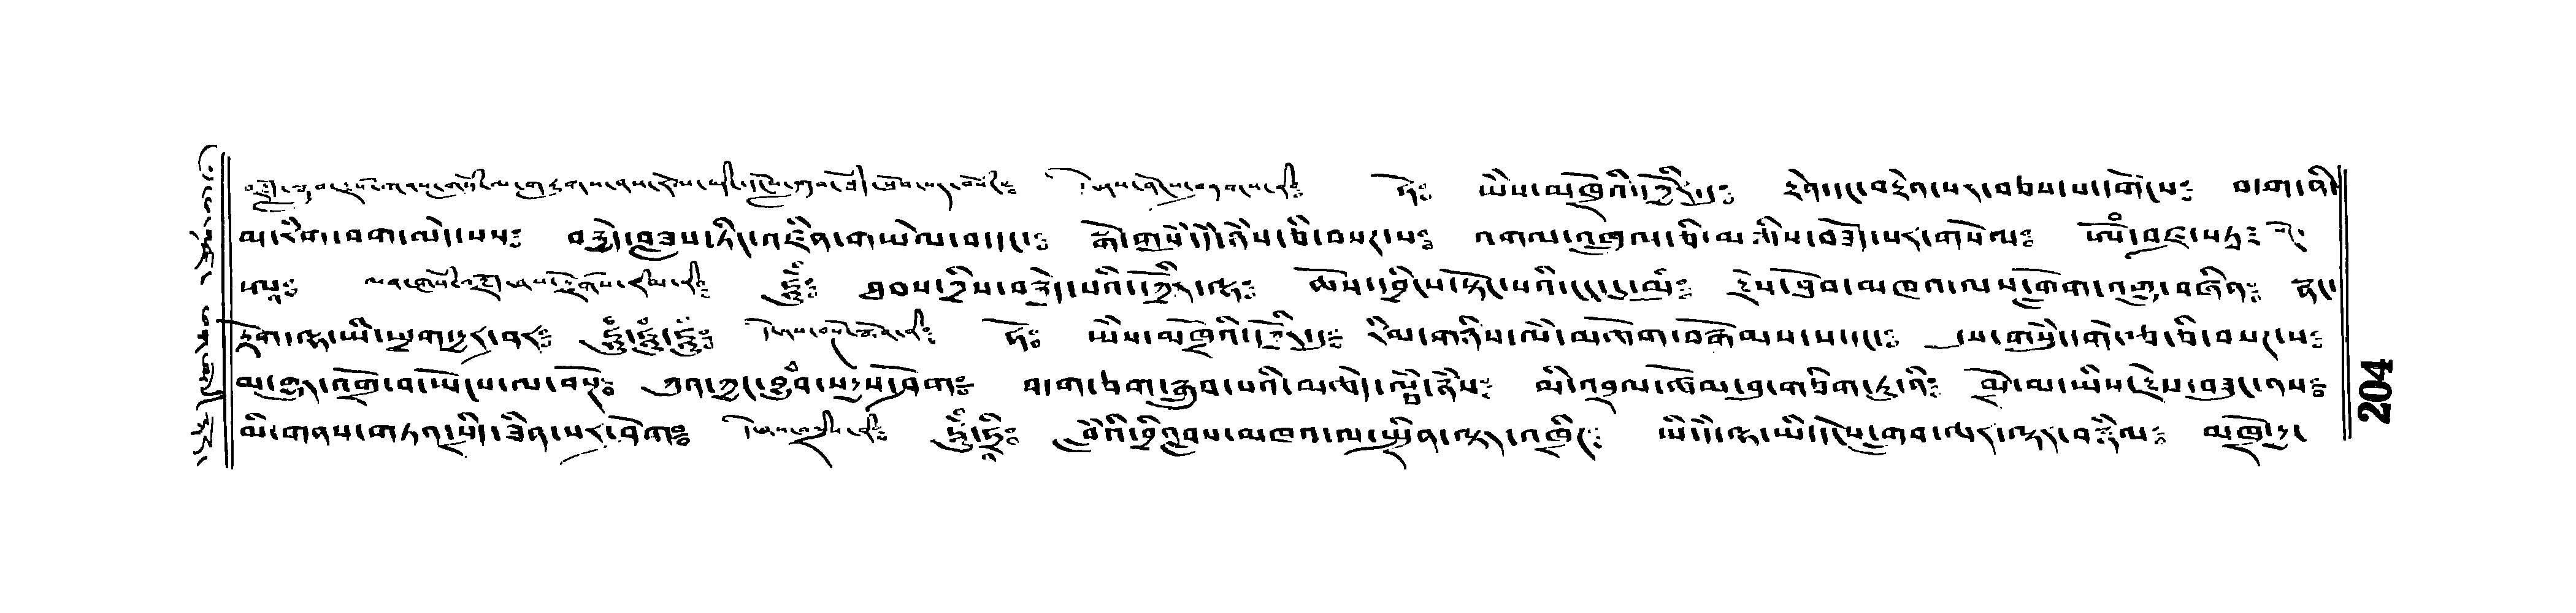བརྗོད་སྒྲུབ་རྫས་གནས་གསུམ་ལ་གཏུགས་ནས་རོལ་ཞིང་དངོས་གྲུབ་ཐམས་ཅད་ཐོབ་པར་བསམ༔ དེ་ནས་ནོངས་བཤགས་ནི༔ ཧོཿ ཡེ་ཤེས་མཁའ་འགྲོའི་དཀྱིལ་འཁོར་དུ༔ རྟེན་དང་བརྟེན་པར་བཅས་པ་དགོངས༔ བདག་ནི་
མ་རིག་བག་མེད་པས༔ བསྐྱེད་བཟླས་ཏིང་འཛིན་གཡེལ་བ་དང༔ སྒོ་གསུམ་དམ་ཉམས་ཅི་བསགས་པ༔ འགལ་འཁྲུལ་ཅི་མཆིས་བཟོད་པར་གསོལ༔ ཨོཾ་བཛྲ་སཏྭ་སོགས༔ 
ཨཱཿ ལན་གསུམ་བརྗོད་ནས་རྫོགས་རིམ་ནི༔ཧཱུྃ༔ ཐབས་ཀྱིས་བསྐྱེད་པའི་དཀྱིལ་འཁོར་ལྷ༔ ཆོས་དབྱིངས་སྟོང་པའི་ངང་དུ་མུཾ༔ རྗེས་ཐོབ་མཁའ་ལས་གློག་འགྱུ་བཞིན༔ སྣང་
རྟོག་ལྷ་ཡི་ཕྱག་རྒྱར་ཤར༔ ཧཱུྃ་ཧཱུྃ་ཧཱུྃ༔ དེ་ནས་བསྔོ་སྨོན་ནི༔ ཧོཿ ཡེ་ཤེས་མཁའ་འགྲོའི་དཀྱིལ་འཁོར་དུ༔ རིམ་གཉིས་ལམ་མཆོག་བསྒོམས་པ་དང༔ དུས་གསུམ་དགེ་རྩ་ཅི་བསགས་པ༔ 
མ་གྱུར་འགྲོ་བ་ཡོངས་ལ་བསྔོ༔ ཀུན་ཀྱང་བྱང་ཆུབ་སངས་རྒྱས་ཤོག༔ བདག་ཅག་སྒྲུབ་པའི་མཆེད་ལྕམ་རྣམས༔ མི་འབྲལ་ཚོམ་བུ་གཅིག་ཏུ་ནི༔ མཁའ་འགྲོ་མ་ཡིས་རྗེས་བཟུང་ནས༔ 
མི་གནས་གཏན་སྲིད་ཟིན་པར་ཤོག༔ དེ་ནས་བཀྲ་ཤིས་ནི༔ ཧཱུྃ་ཧྲཱིཿ བླ་མའི་བྱིན་རླབས་མཁའ་ལ་སྤྲིན་ལྟར་འཁྲིགས༔ ཡི་དམ་ལྷ་ཡི་དངོས་གྲུབ་ཆར་ལྟར་བསྙིལ༔ མཁའ་འགྲོ་རྒྱ་